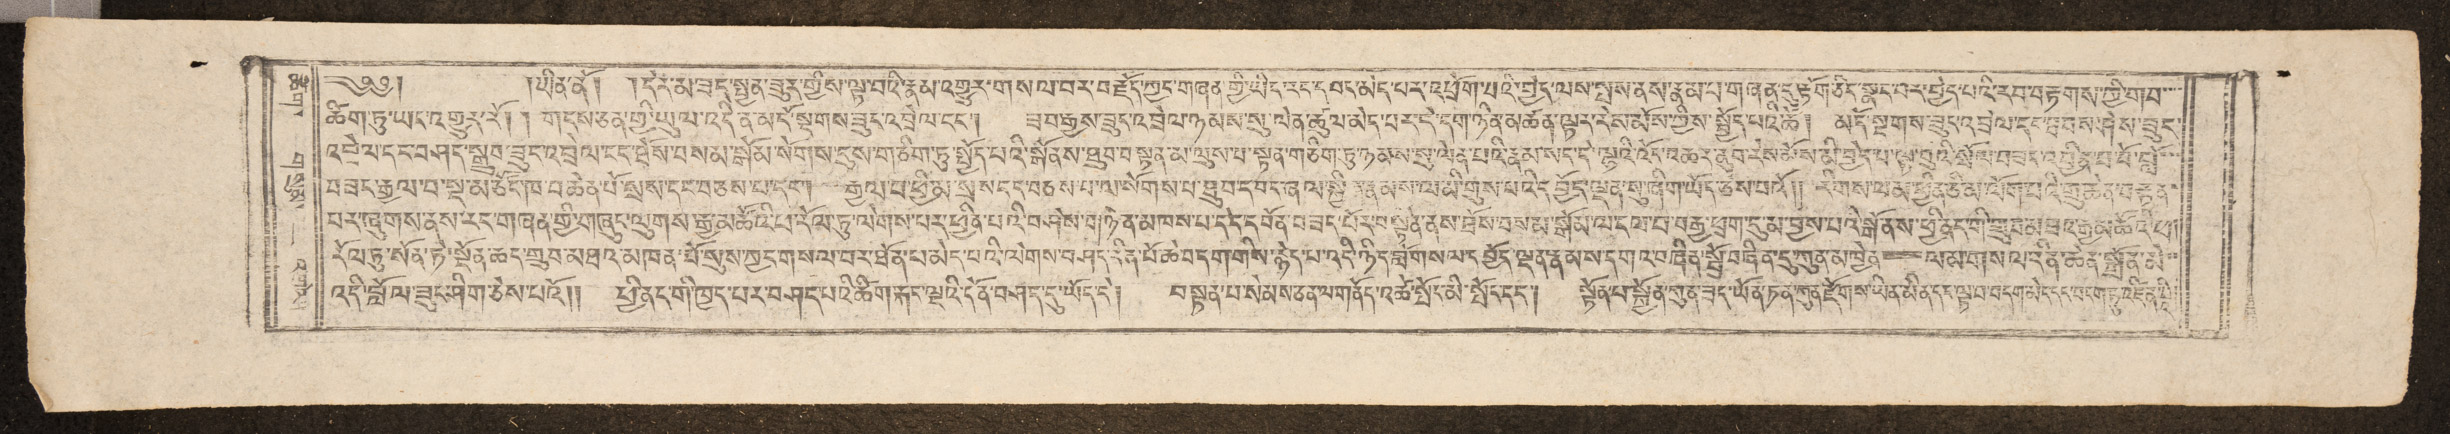༄༅། །ཡིན་ནོ། །དེར་མ་ཟད་སྤྱན་ཟུར་གྱིས་ལྟ་བའི་རྣམ་འགྱུར་གསལ་བར་བརྗོད་ཀྱང་གཞན་གྱི་ཡིད་རང་དབང་མེད་པར་འཕྲོག་པའི་བྱེད་ལས་སྤས་ནས་རྣམ་པ་གཞན་དུ་རྟོག་ཅིང་སྣང་བར་བྱེད་པའི་རབ་བརྟགས་ཀྱི་གབ་
ཚིག་ཏུ་ཡང་འགྱུར་རོ། །གངས་ཅན་གྱི་ཡུལ་འདི་ན་མདོ་སྔགས་ཟུང་འབྲེལ་དང་། ཟབ་རྒྱས་ཟུང་འབྲེལ་ཉམས་སུ་ལེན་ཚུལ་མེད་པར་དེ་དག་ཉིན་མཚན་ལྟར་རེས་མོས་ཀྱིས་སྤྱོད་པའི་ཚེ། མདོ་སྔགས་ཟུང་འབྲེལ་དང་ཐབས་ཤེས་ཟུང་
འབྲེལ་དང་བཤད་སྒྲུབ་ཟུང་འབྲེལ་དང་ཐོས་བསམ་སྒོམ་སོགས་དུས་གཅིག་ཏུ་སྤྱོད་པའི་སྒོ་ན་ཐུབ་བསྟན་མ་ལུས་པ་སྟན་གཅིག་ཏུ་ཉམས་སུ་ལེན་པའི་རྣམ་སང་དེ་ལྷའི་འོད་འཆར་ནུབ་རེས་མོས་མི་བྱེད་པ་ལྟ་བུའི་སྲོལ་བཟང་འབྱིན་པ་པོ་བློ་
བཟང་རྒྱལ་བ་སྔ་མ་ཙོང་ཁ་བ་ཆེན་པོ་སྲས་དང་བཅས་པ་དང་། རྒྱལ་བ་ཕྱི་མ་སྲས་དང་བཅས་པ་ལ་སོགས་པ་ཐུབ་དབང་ཞལ་སྐྱིན་རྣམས་ལ་མི་གུས་པའི་འདི་དབྱོད་ལྡན་སུ་ཞིག་ཡོད་ཅེས་པའོ།། རིགས་ལམ་ཕྱིན་ཅི་མ་ལོག་པའི་གྲུ་ཆེན་བརྟན་
བར་ཞུགས་ནས་རང་གཞན་གྱི་གཞུང་ལུགས་རྒྱ་མཚོའི་ཕ་རོལ་ཏུ་ལེགས་པར་ཕྱིན་པའི་བཤེས་གཉེན་མཁས་པ་དེད་དཔོན་བཟང་པོར་བསྟེན་ནས་ཐོས་བསམ་སྒོམ་ལ་ངལ་བ་བརྒྱ་ཕྲག་དུ་མ་བྱས་པའི་སྒོ་ནས་ཕྱི་ནང་གི་གྲུབ་མཐའ་རྒྱ་མཚོའི་ཕ།
རོལ་ཏུ་སོན་ཏེ་སྔོན་ཆད་གྲུབ་མཐའ་མཁན་པོ་སུས་ཀྱང་གསལ་བར་ཐོན་པ་མེད་པའི་ལེགས་བཤད་རིན་པོ་ཆེ་བདག་གིས་རྙེད་པ་འདི་ཉིད་བློ་གསལ་དབྱོད་ལྡན་རྣམས་དགའ་བཞིན་སྤྲོ་བཞིན་དུ་ཀུན་མཁྱེན་ལམ་གསལ་རིན་ཆེན་སྒྲོན་མེ་
འདི་བློ་ལ་ཟུང་ཤིག་ཅེས་པའོ།། ཕྱི་ནང་གི་ཁྱད་པར་བཤད་པའི་ཚིག་རྐང་ལྔའི་དོན་བཤད་དུ་ཡོད་དེ། བསྟན་པ་སེམས་ཅན་ལ་གནོད་འཚེ་སྤོང་མི་སྤོང་དང་། སྟོན་པ་སྐྱོན་ཀུན་ཟད་ཡོན་ཏན་ཀུན་རྫོགས་ཡིན་མིན་དན་ལྟ་བ་བདག་མེད་དང་བདག་ཏུ་འཛིན་པཱི་